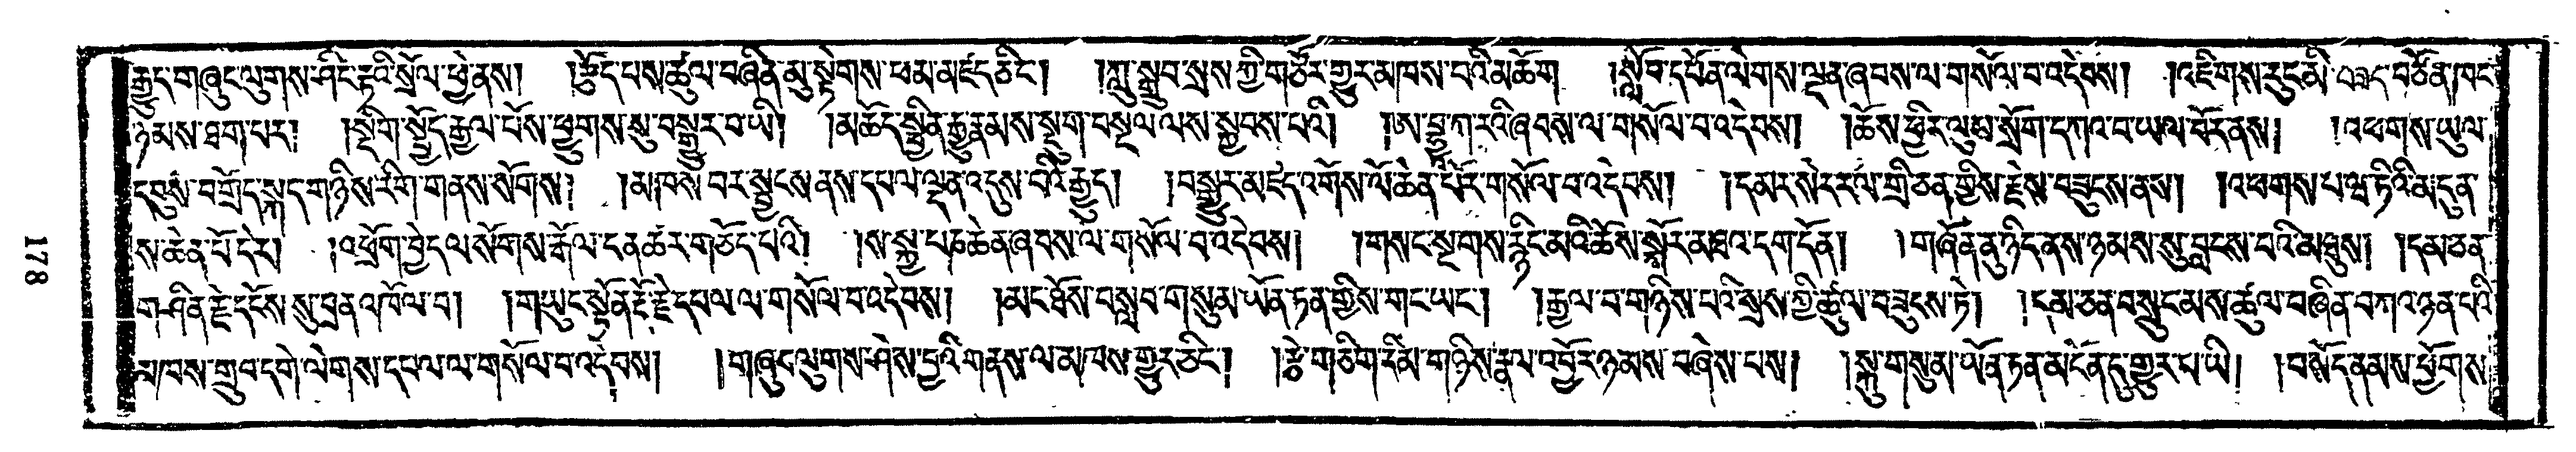རྒྱུད་གཞུང་ལུགས་ཤིང་རྟའི་སྲོལ་ཕྱེ་ནས། །རྩོད་པས་ཚུལ་བཞིན་མུ་སྟེགས་ཕམ་མཛད་ཅིང་། །ཀླུ་སྒྲུབ་སྲས་ཀྱི་གཙོར་གྱུར་མཁས་པའི་མཆོག །སློབ་དཔོན་ལེགས་ལྡན་ཞབས་ལ་གསོལ་བ་འདེབས། །འཇིགས་རུང་མི་བཟད་བཙོན་ཁང་
ཉམས་ཐག་པར། །སྡིག་སྤྱོད་རྒྱལ་པོས་ཕྱུགས་སུ་བསྒྱུར་བ་ཡི། །མཆོད་སྦྱིན་རྒྱུ་རྣམས་སྡུག་བསྔལ་ལས་སྐྱབས་པའི། །ཨ་བྷཱཡ་ཀ་རའི་ཞབས་ལ་གསོལ་བ་འདེབས། །ཆོས་ཕྱིར་ལུགས་སྲོག་པ་ཡལ་བོར་ནས། །འཕགས་ཡུལ་
དབུས་བགྲོད་སྐད་གཉིས་རིག་གནས་སོགས། །མཁས་བར་སྦྱངས་ནས་དཔལ་ལྡན་འདུས་པའི་རྒྱུད། །བསྒྱུར་མཛད་འགོས་ལོ་ཆེན་པོར་གསོལ་བ་འདེབས། །དམར་སེར་རལ་གྲི་ཅན་གྱིས་རྗེས་བཟུངས་ནས། །འཕགས་པ་ཝ་ཏིའི་མདུན་
ས་ཆེན་པོ་དེར། །འཕྲོག་བྱེད་ལ་སོགས་རྒོལ་ངན་ཚར་གཅོད་པའི། །ས་སྐྱ་པཎ་ཆེན་ཞབས་ལ་གསོལ་བ་འདེབས། །གསང་སྔགས་རྙིང་མའི་ཆོས་སྐོར་མཐའ་དག་དོན། །གཞོན་ནུ་ཉིད་ནས་ཉམས་སུ་བླངས་བའི་མཐུས། །དམ་ཅན་
གཤིན་རྗེ་དངོས་སུ་བྲན་འཁོལ་བ། །གཡུང་སྟོན་རྡོ་རྗེ་དཔལ་ལ་གསོལ་བ་འདེབས། །མང་ཐོས་བསླབ་གསུམ་ཡོན་ཏན་གྱིས་གང་ཡང་། །རྒྱལ་བ་གཉིས་པའི་སྲས་ཀྱི་ཚུལ་བཟུངས་ཏེ། །དམ་ཅན་བསྲུང་མས་ཚུལ་བཞིན་བཀའ་ཉན་པའི་
མཁས་གྲུབ་དགེ་ལེགས་དཔལ་ལ་གསོལ་བ་འདེབས། །གཞུང་ལུགས་ཤེས་བྱའི་གནས་ལ་མཁས་གྱུར་ཅིང་། །རྩེ་གཅིག་རིམ་གཉིས་རྣལ་འབྱོར་ཉམས་བཞེས་པས། །སྐུ་གསུམ་ཡོན་ཏན་མངོན་དུ་གྱུར་པ་ཡི། །བསོད་ནམས་ཕྱོགས་